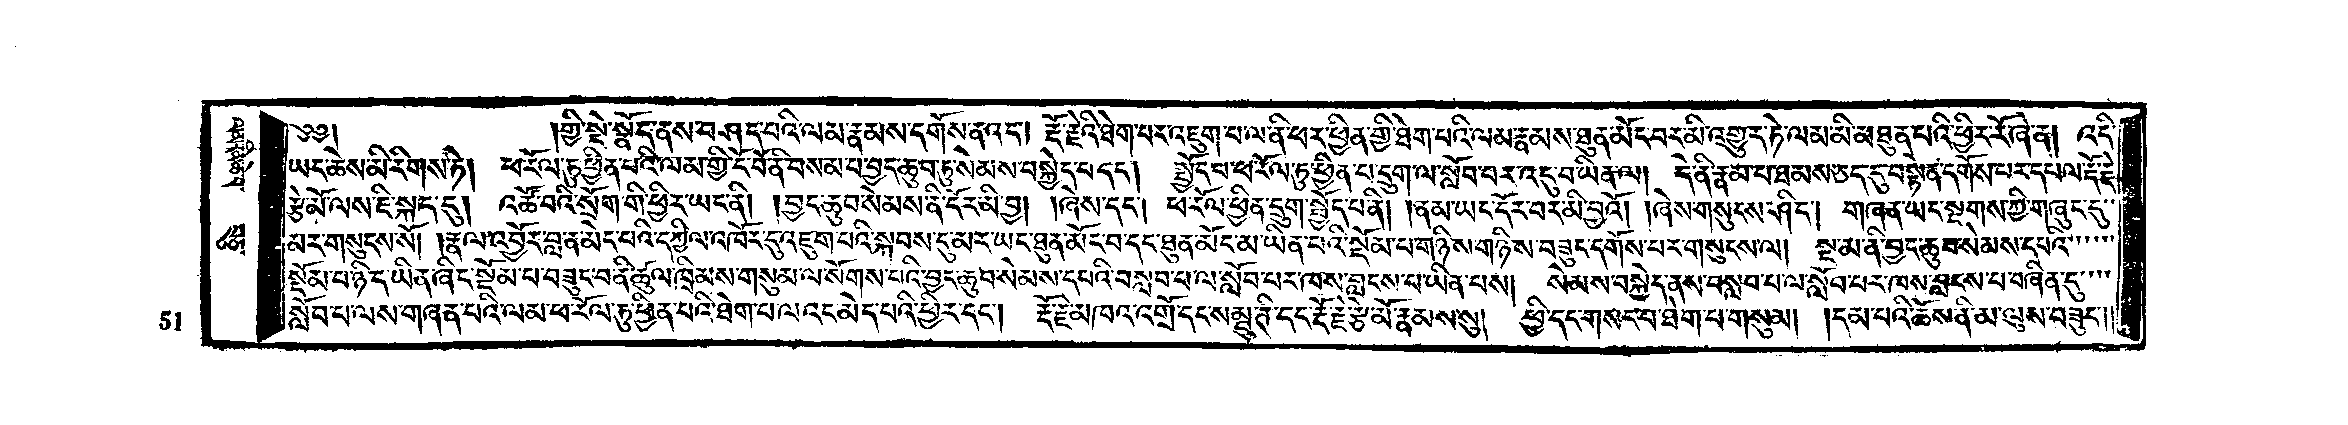༄༅། །གྱི་སྡེ་སྣོད་ནས་བཤད་པའི་ལམ་རྣམས་དགོས་ནའང་། རྡོ་རྗེའི་ཐེག་པར་འཇུག་པ་ལ་ནི་ཕར་ཕྱིན་གྱི་ཐེག་པའི་ལམ་རྣམས་ཐུན་མོང་བར་མི་འགྱུར་ཏེ་ལམ་མི་མཐུན་པའི་ཕྱིར་རོ་ཞེ་ན། འདི་
ཡང་ཆེས་མི་རིགས་ཏེ། ཕ་རོལ་ཏུ་ཕྱིན་པའི་ལམ་གྱི་ངོ་བོ་ནི་བསམ་པ་བྱང་ཆུབ་ཏུ་སེམས་བསྐྱེད་པ་དང་། སྤྱོད་པ་ཕ་རོལ་ཏུ་ཕྱིན་པ་དྲུག་ལ་སློབ་པར་འདུ་བ་ཡིན་ལ། དེ་ནི་རྣམ་པ་ཐམས་ཅད་དུ་བསྟེན་དགོས་པར་དཔལ་རྡོ་རྗེ་
རྩེ་མོ་ལས་ཇི་སྐད་དུ། འཚོ་བའི་སྲོག་གི་ཕྱིར་ཡང་ནི། །བྱང་ཆུབ་སེམས་ནི་དོར་མི་བྱ། །ཞེས་དང་། ཕ་རོལ་ཕྱིན་དྲུག་སྤྱོད་པ་ནི། །ནམ་ཡང་དོར་བར་མི་བྱའོ། །ཞེས་གསུངས་ཤིང་། གཞན་ཡང་སྔགས་ཀྱི་གཞུང་དུ་
མར་གསུངས་སོ། །རྣལ་འབྱོར་བླ་ན་མེད་པའི་དཀྱིལ་འཁོར་དུ་འཇུག་པའི་སྐབས་དུ་མར་ཡང་ཐུན་མོང་བ་དང་ཐུན་མོང་མ་ཡིན་པའི་སྡོམ་པ་གཉིས་གཉིས་བཟུང་དགོས་པར་གསུངས་ལ། སྔ་མ་ནི་བྱང་ཆུབ་སེམས་དཔའི་
སྡོམ་པ་ཉིད་ཡིན་ཞིང་སྡོམ་པ་བཟུང་བ་ནི་ཚུལ་ཁྲིམས་གསུམ་ལ་སོགས་པའི་བྱང་ཆུབ་སེམས་དཔའི་བསླབ་པ་ལ་སློབ་པར་ཁས་བླངས་པ་ཡིན་པས། སེམས་བསྐྱེད་ནས་བསླབ་པ་ལ་སློབ་པར་ཁས་བླངས་པ་བཞིན་དུ་
སློབ་པ་ལས་གཞན་པའི་ལམ་ཕ་རོལ་ཏུ་ཕྱིན་པའི་ཐེག་པ་ལའང་མེད་པའི་ཕྱིར་དང་། རྡོ་རྗེ་མཁའ་འགྲོ་དང་སམྦུ་ཊི་དང་རྡོ་རྗེ་རྩེ་མོ་རྣམས་སུ། ཕྱི་དང་གསང་བ་ཐེག་པ་གསུམ། །དམ་པའི་ཆོས་ནི་མ་ལུས་བཟུང་། །